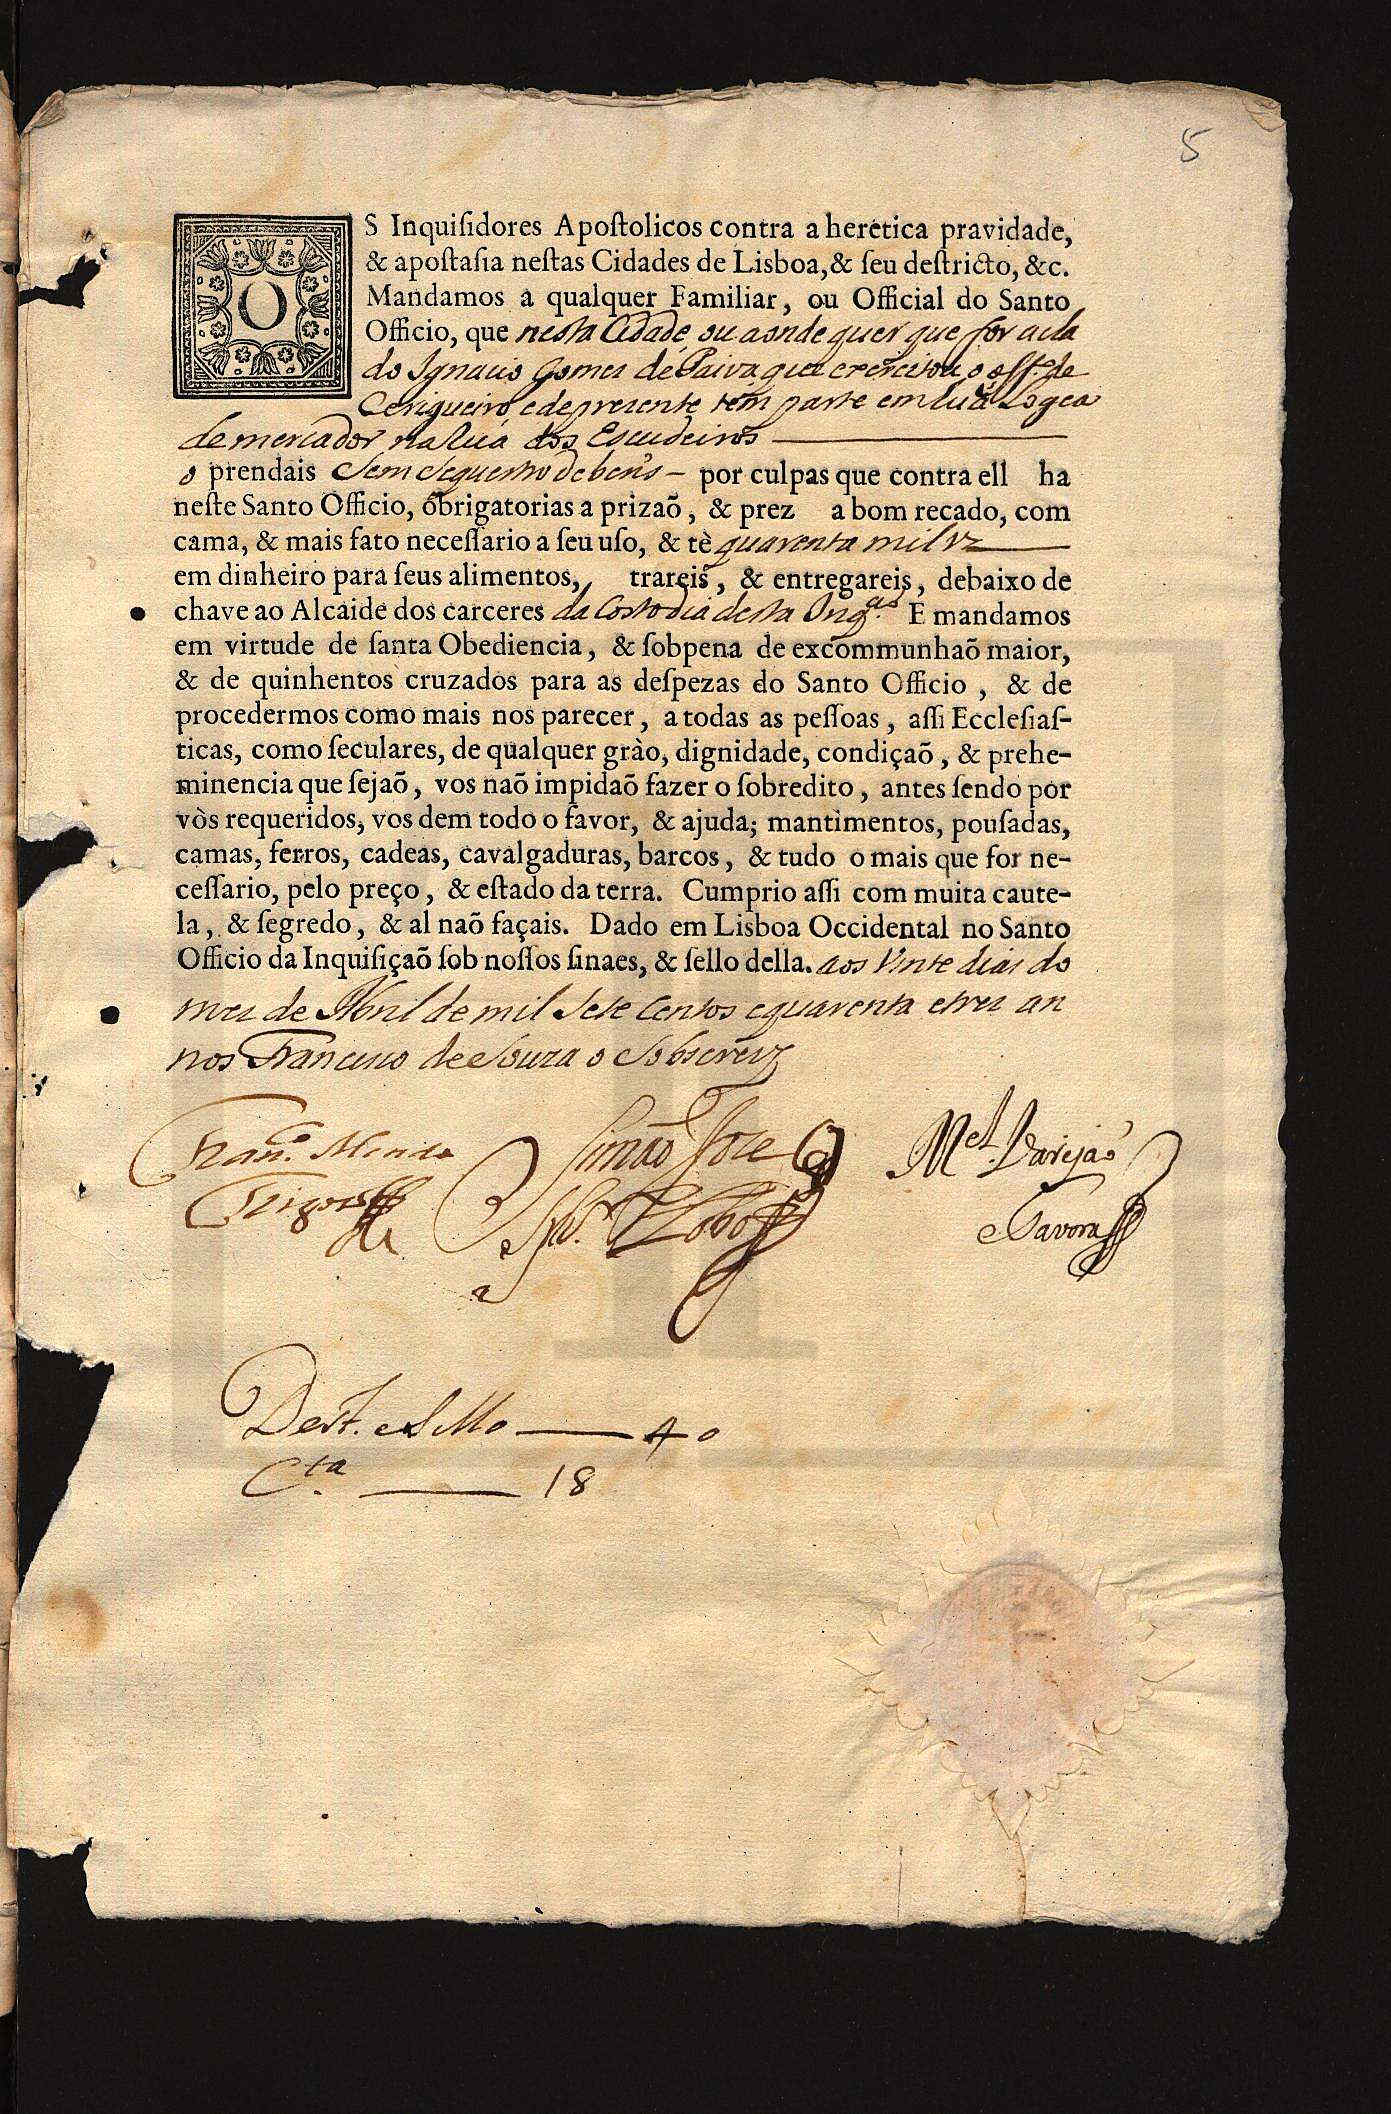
S Inquisidores Apostolicos contra a heretica pravidade,
& apostasia nestas Cidades de Lisboa, & seu destricto, &c.
Mandamos a qualquer Familiar, ou Official do Santo
Officio, que nesta Cidade, ou aonde quer que for acha
do Ignacio Gomes de Paiva, que exercitou o off.o de
Cerigueiro, e de prezente tem parte em huā Logea
de mercador na Rua dos Escudeiros
o prendais sem sequestro de ben̄s por culpas que contra ell ha
neste Santo Officio, obrigatorias a prizaõ, & prez a bom recado, com
cama, & mais fato necessario a seu uso, & tè quarenta mil rz
em dinheiro para seus alimentos, trareis, & entregareis, debaixo de
chave ao Alcaide dos carceres da Costodia desta Inq.aõ E mandamos
em virtude de santa Obediencia, & sobpena de excommunhaõ maior,
& de quinhentos cruzados para as despezas do Santo Officio, & de
procedermos como mais nos parecer, a todas as pessoas, assi Ecclesias
ticas, como seculares, de qualquer grào, dignidade, condiçaõ, & prehe
minencia que sejaõ, vos naõ impidaõ fazer o sobredito, antes sendo por
vòs requeridos, vos dem todo o favor, & ajuda; mantimentos, pousadas,
camas, ferros, cadeas, cavalgaduras, barcos, & tudo o mais que for ne
cessario, pelo preço, & estado da terra. Cumprio assi com muita caute
la, & segredo, & al naõ façais. Dado em Lisboa Occidental no Santo
Officio da Inquisiçaõ sob nossos sinaes, & sello della aos Vinte dias do
mes de Abril de mil setecentos e quarenta e trez an
nos Francisco de Souza o Sobscrevy
Fran.co Mendo
Simaõ Joze
Mel. Varejaõ
Trigozo
Sylv.ra Lobo
e Tavora
Dert. e Sello - 40
18
Ct.a
